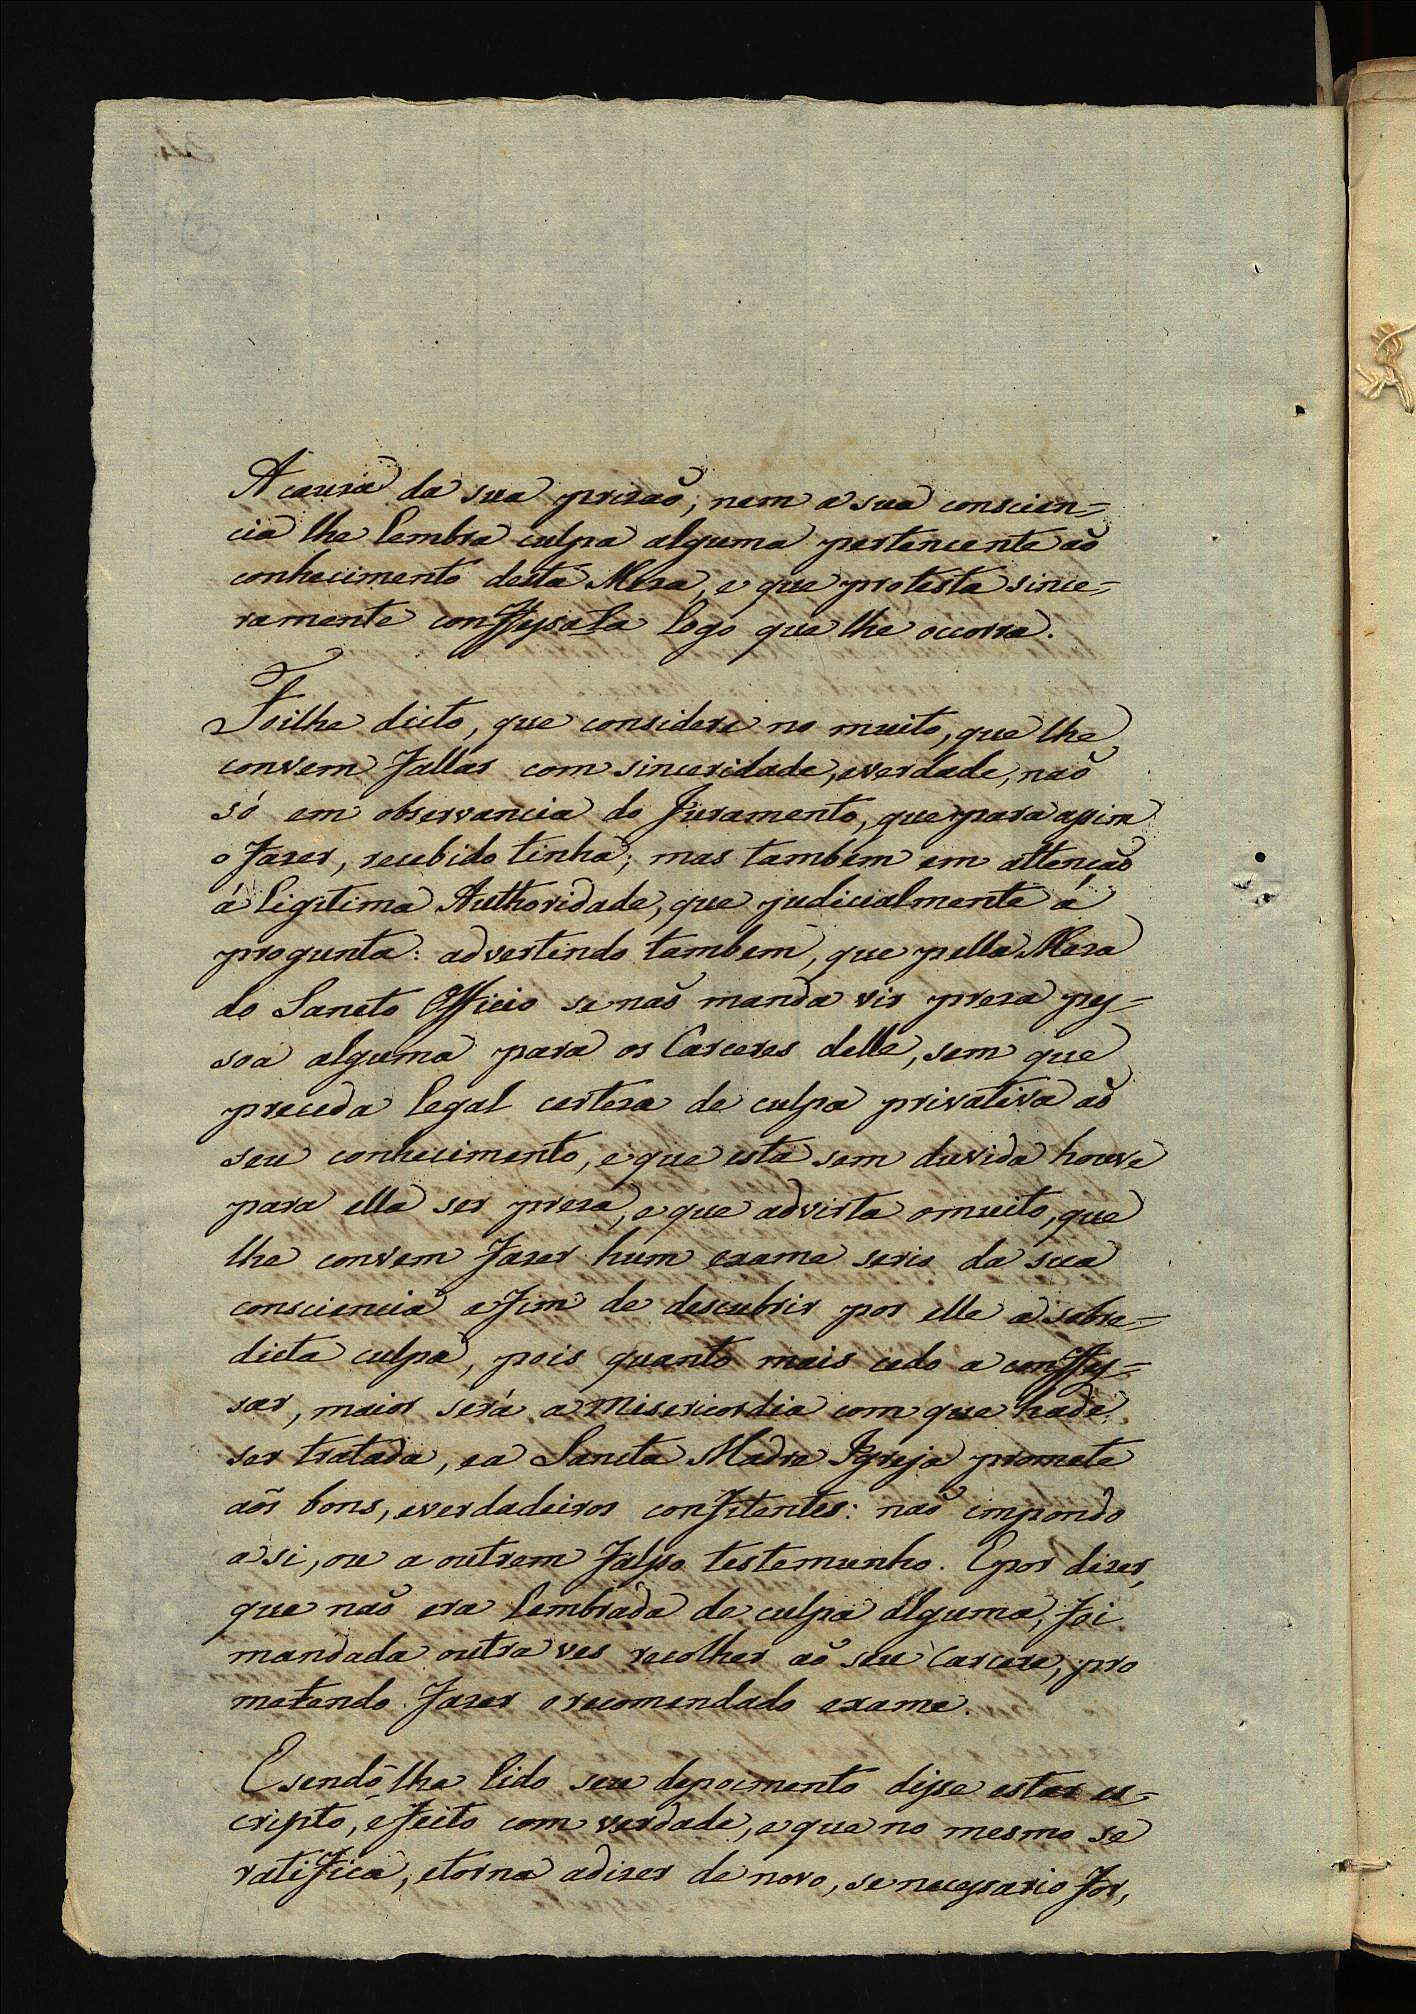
A cauza da sua prizaõ, nem a sua conscien
cia lhe Lembra culpa alguma pertencente aõ
conhecimento desta Meza, e que protesta since
ramente conffessa-la Logo que lhe occorra.
Foilhe dicto, que considere no muito, que lhe
convem fallar com sinceridade, e verdade, naõ
só em observancia do Juramento, quer para assim
o fazer, recebido tinha; mas também em attençaõ
á Legitima Authoridade, que judicialmente a
progunta: advertindo tambem, que pella Meza
do Sancto Officio se naõ manda vir preza pes
soa alguma para os Carceres delle, sem que
preceda Legal certeza de culpa privativa aõ
seu conhecimento, e que esta sem duvida houve
para ella ser preza, o que advirta o muito, que
lhe convem fazer hum exame seria da sua
consciencia afim de descubrir por ella a sobre
dicta culpa, pois quanto mais cedo a conffes
sar, maior será a misericordia com que hade
ser tratada, e a Sancta Madre Igreja promete
aõs bons, e verdadeiros confitentes: naõ impondo
a si, ou a outrem falsso testemunho. E por dizer,
que naõ era Lembrada de culpa alguma, foi
mandada outra ves recolher ao seu carcere, pro
metendo fazer o recomendado exame.
E sendo-lhe lido seu depoimento disse estar es
cripto, e feito com verdade, a que no mesmo se
ratifica, e torna a dizer de novo, se necessario for,
